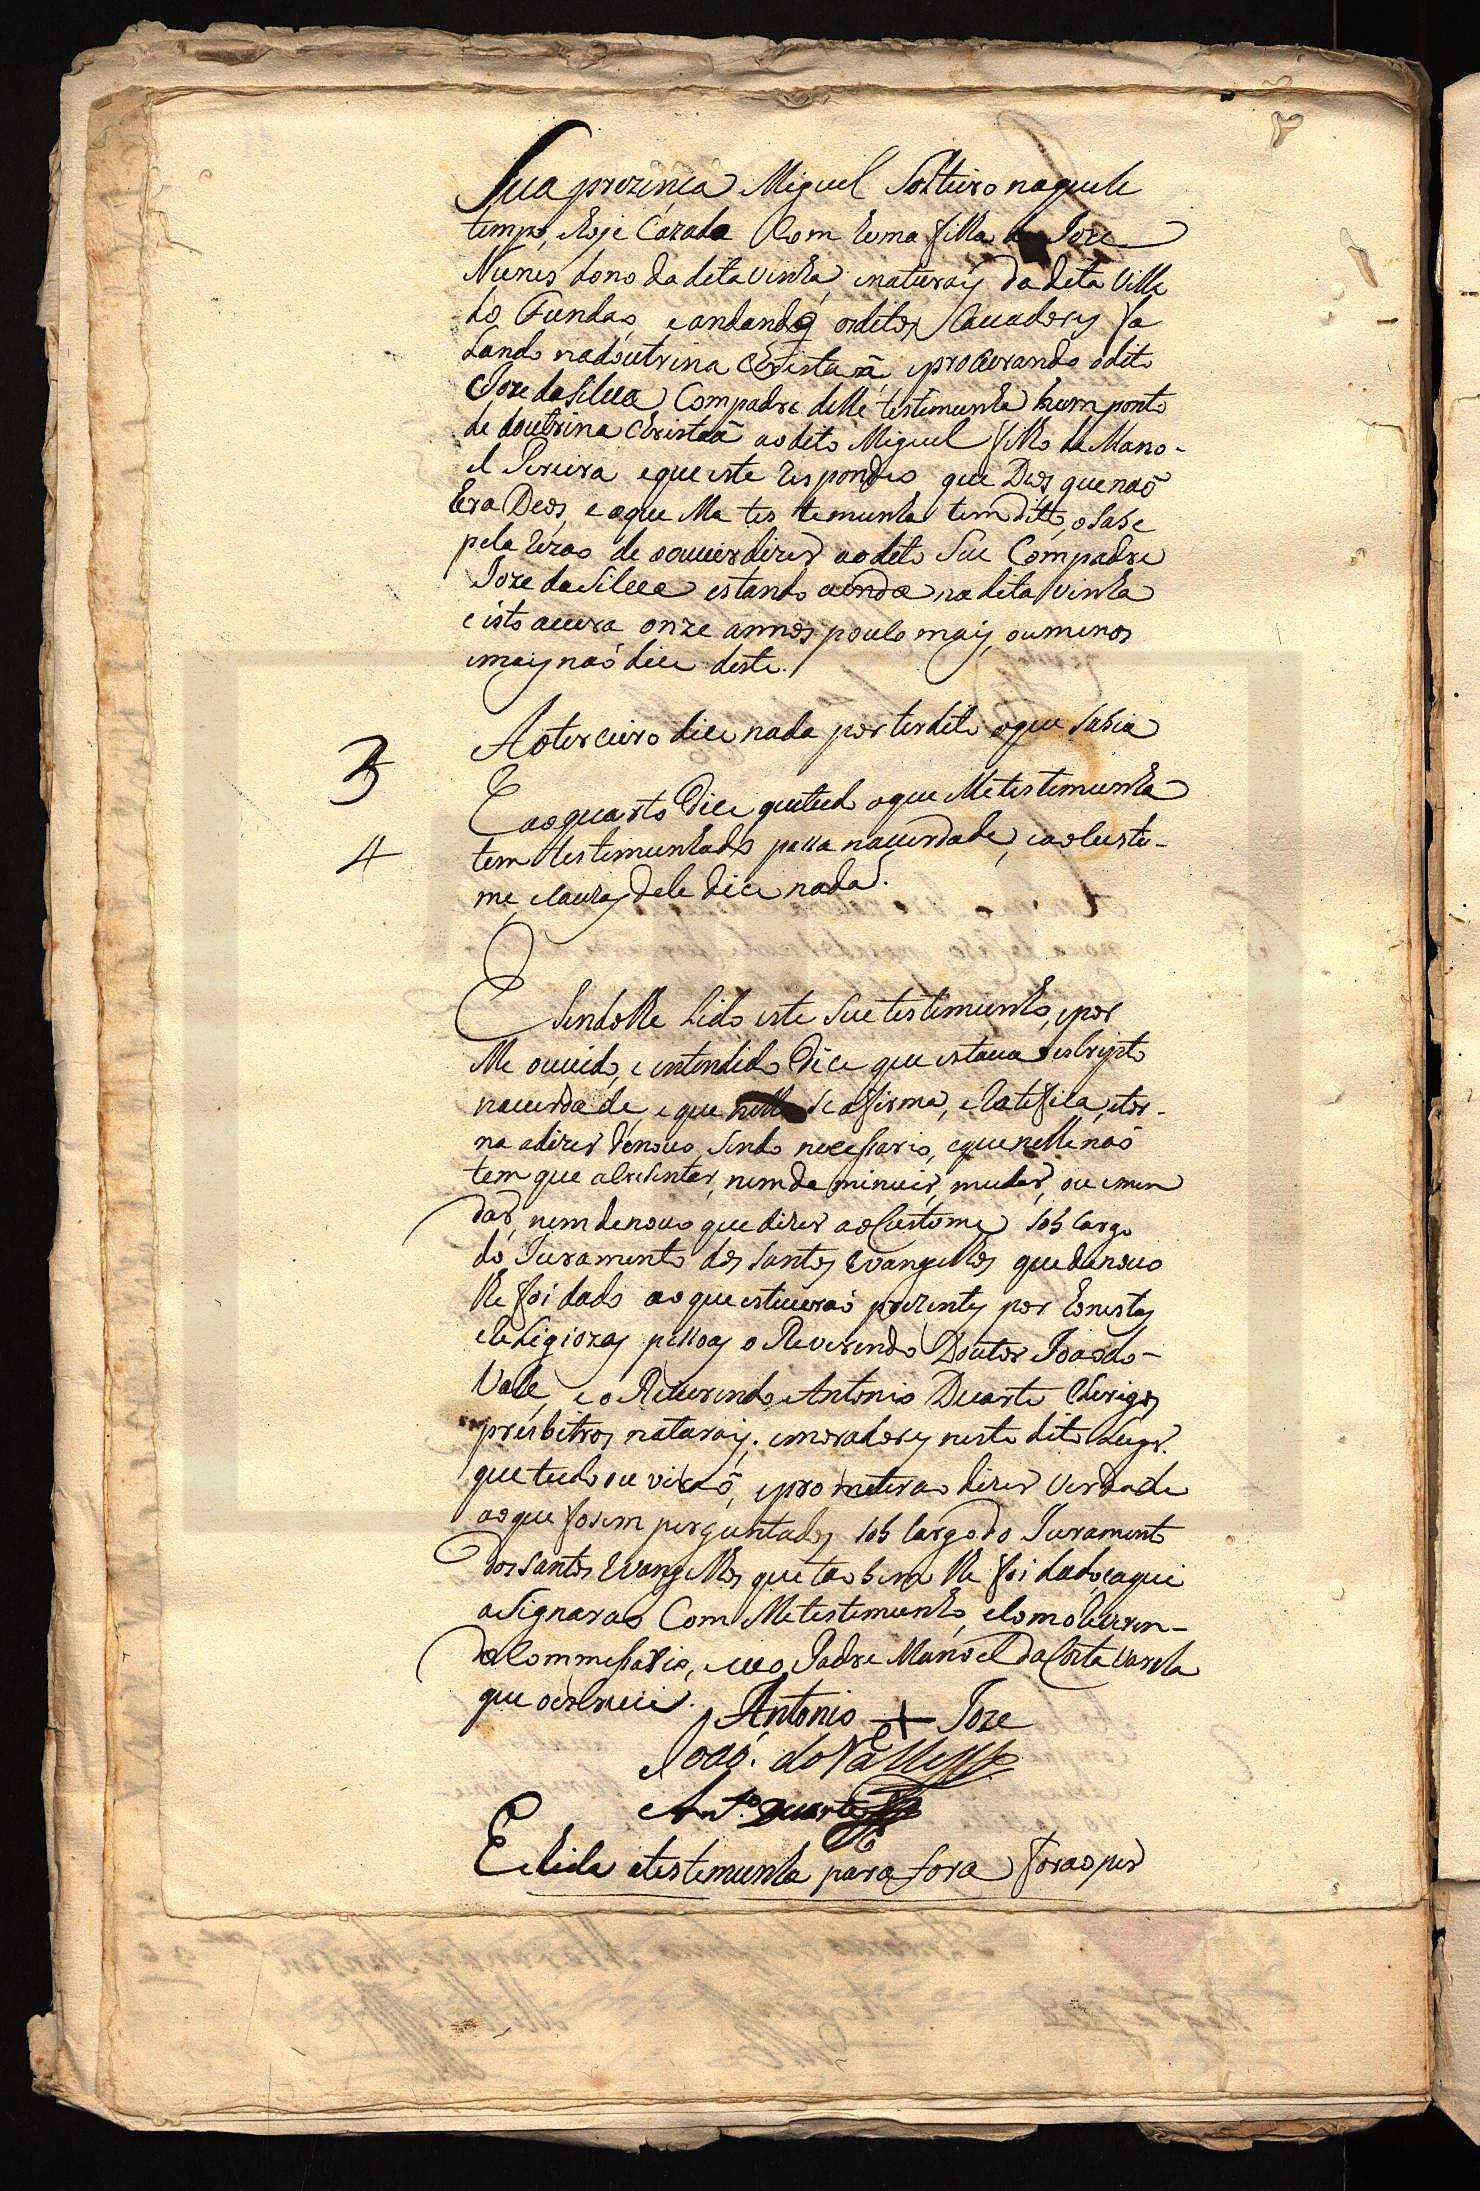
Sua prezença Miguel Solteiro naquele
tempo, e hoje cazada com huma filha d_ Ioze
Nunes dono da dita vinha, e naturais da dita Villa
do Fundao, e andando os ditos Cauadores fa
lando na doutrina christaã, e procurando o dito
Ioze da silua Compadre delle testemunha hum ponto
de doutrina christaã ao dito Miguel filho de Mano
el Pereira e que este Respondeo que Deos que naõ
hera Deos, e o que ella testemunha tem dito, o sabe
pela rezao de o ouuir dizer ao dito seu Compadre
Ioze da Silua estando ainda na dita vinha
e isto auera onze annos pouco mais, ou menos
e mais naõ dice deste.
3
Ao terceiro dice nada por ter dito o que sabia
E ao quarto dice que tudo o que elle testemunha
4
tem testemunhado passa na uerdade, e ao custu
me, e couzas dele dice nada.
E sendolhe Lido este Seu testemunho, e por
elle ouuido, e entendido dice que estaua esCripto
na uerdade, e que nelle se afirma, e Ratifica, e tor
na a dizer de nouo sendo necessario, e que nelle naõ
tem que acresentar, nem deminuir, mudar ou emen
dar, nem de nouo que dizer ao Custume sob cargo
do Juramento dos Santos Evangelhos que de nouo
lhe foi dado ao que estiueraõ prezentes por honestas,
e Religiozas pessoas o Reverendo Doutor Joao do
Vale, e o Reuerendo Antonio Duarte Clerigos
presbitros naturais; e moradores neste dito Lugar.
que tudo ouviraõ, e prometerao dizer uerdade
ao que fosem perguntados sob cargo do Juramento
dos santos Evangelhos que taobem lhe foi dado, e aqui
asignarao Com elle testemunho, e com o Reveren
do Commissario, e eu o Padre Manoel da Costa varela
que o esCreui.
Antonio + Joze
Joaõ. do Valle
Ant.o Duarte
E hida a testemunha para fora forao per
